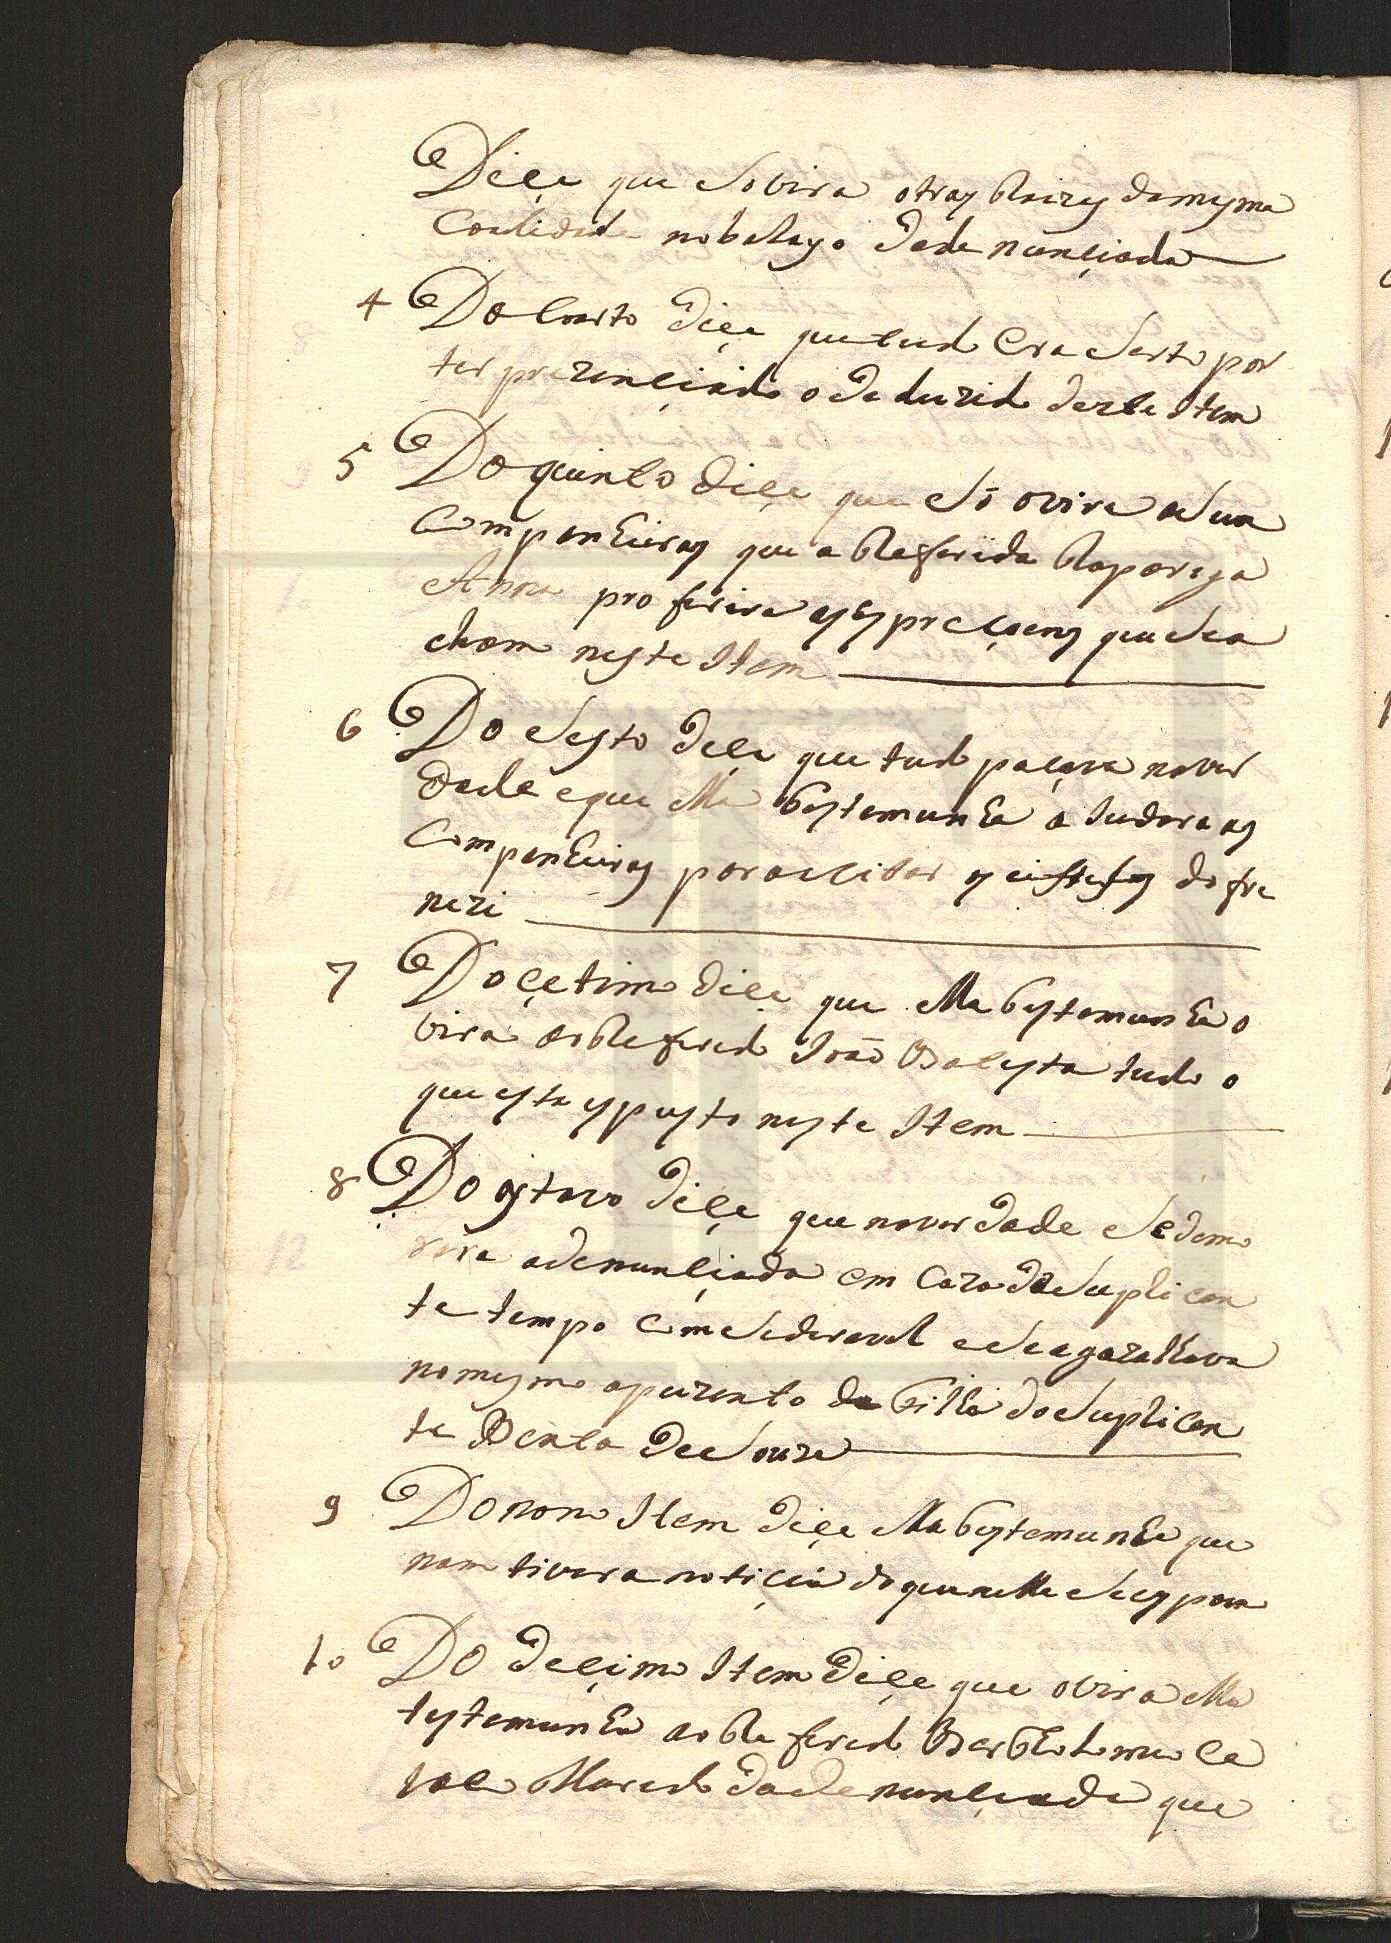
Diçe que so vira otras Raizes da mesma
coalidade no balayo da denunçiada
4 Do coarto diçe que tudo era serto por
ter prezençiado o deduzido dezte Item
5 Do quinto diçe que só ovira a sua
companheiras que a Referida Rapariga
Anna proferira as espreçoens que se a
cham neste Item
6 Do sesto diçe que tudo paçava na ver
dade e que ella testemunha aIudara as
companheiras para euitar os eissesos do fre
nezi
7 Do çetimo diçe que ella testemunha o
vira ao Referido Ioaõ Batista tudo o
que esta espusto neste Item
8 Do oytavo diçe que na verdade se demo
rara a denunçiada em caza da suplican
te tempo comsederavel e se agazalhava
no mesmo apuzento da Filha do Suplican
te Bento de Souza
9 Do nono Item diçe ella testemunha que
nam tivera notiçia do que nelle se espoem
10 Do deçimo Item diçe que ovira ella
testemunha ao Referido Bertholomeo ca
vaco Marido da denunçiada que
